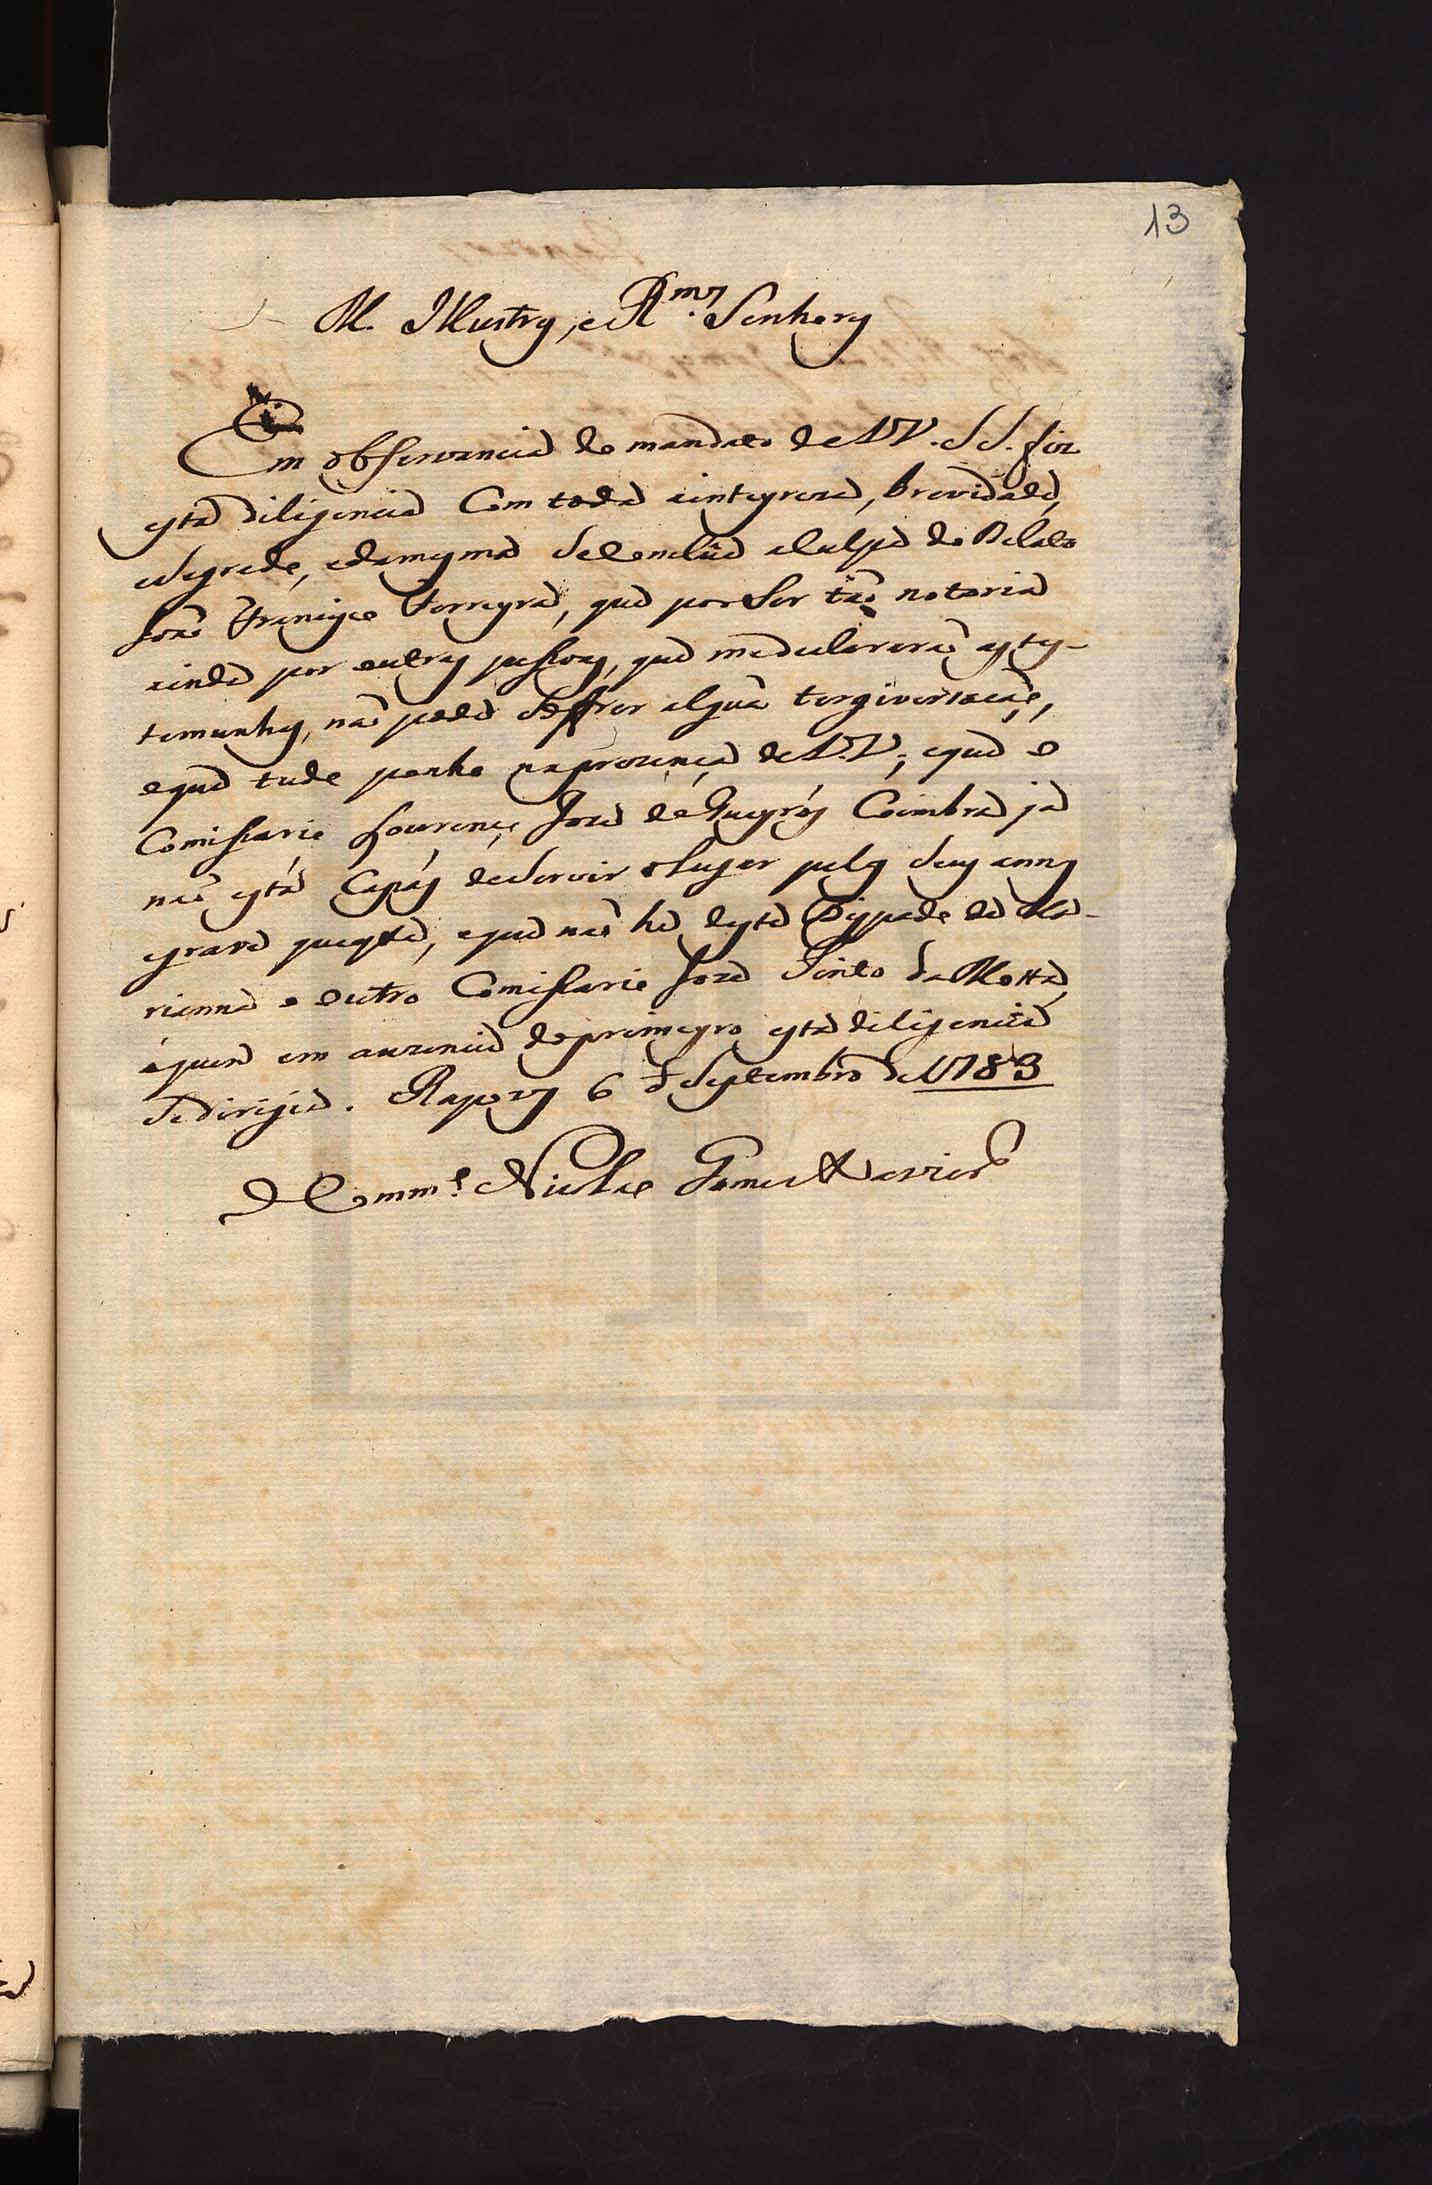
M. Illustres, e R.mos Senhores
Em observancia do mandato de VV. SS. fiz
esta diligencia Com toda a inteyreza, brevidade,
e Segredo, e da mesma se conclûa a Culpa do Delato
Joaõ Francisco Ferreyra, que por Ser taõ notoria
ainda por outras pessoas, que me declararaõ as tes
temunhas, naõ pode soffrer alguā tergiversaçaõ,
e que tudo ponha na prezença de VV., e que o
Comissario Lourenço Joze de Queyrós Coimbra ja
naõ está Capás de servir o Lugar pelo seus annos
e grave que esta, e que naõ he deste Bispado de Ma
rianna o outro Comissario Joze Pinto da Motta,
a quem em auzencia do primeyro esta diligencia
se dirigia. Rapozos 6 d̄ Septembro de 1783
O Comm.o Nicolao Gomes Xavier
